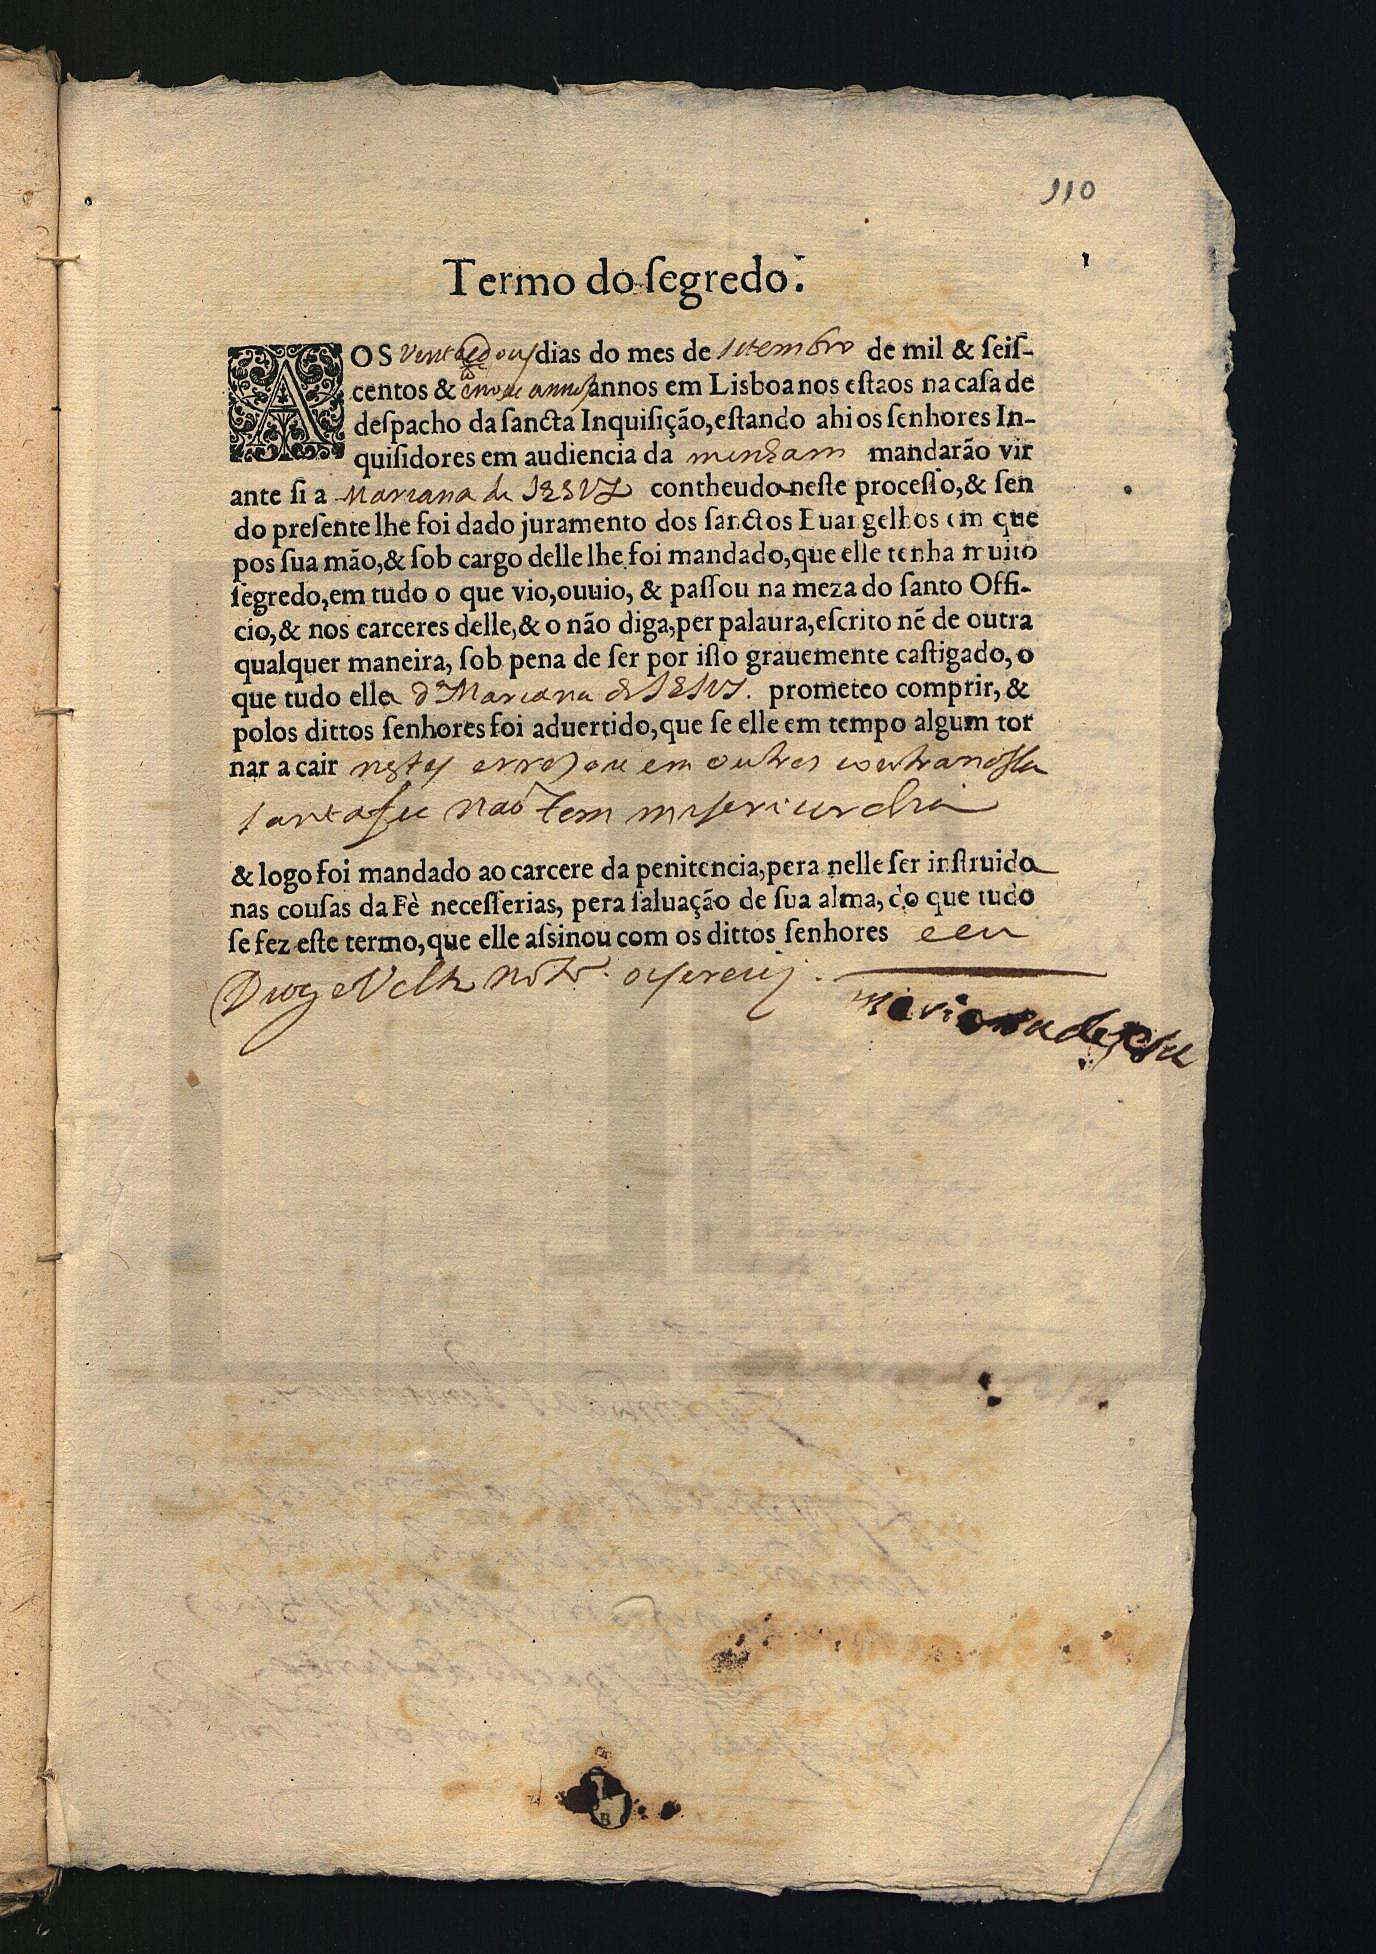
Termo do segredo.
AOS vinte e dous dias do mes de setembro de mil & seis
centos & e noue annos annos em Lisboa nos estaos na casa de
despacho da sancta Inquisição, estando ahi os senhores In
quisidores em audiencia da menham mandarão vir
ante si a Mariana de IESVS contheuda neste processo, & sen
do presente lhe foi dado juramento dos sanctos Euangelhos em que
pos sua mão, & sob cargo delle lhe foi mandado, que elle tenha muito
segredo, em tudo o que vio, ouuio, & passou na meza do santo Offi
cio, & nos carceres delle, & o não diga, per palaura, escrito nē de outra
qualquer maneira, sob pena de ser por isso grauemente castigado, o
que tudo ella da Mariana de IESVS. prometeo comprir, &
polos dittos senhores foi aduertido, que se elle em tempo algum tor
nar a cair nestes erros ou em outros contra nossa
santa fee naõ tera misericordia
& logo foi mandado ao carcere da penitencia, pera nelle ser instruida
nas cousas da Fè necesserias, pera saluação de sua alma, do que tudo
se fez este termo, que elle assinou com os dittos senhores e eu
Diogo Velho notr.o o escreuj.
